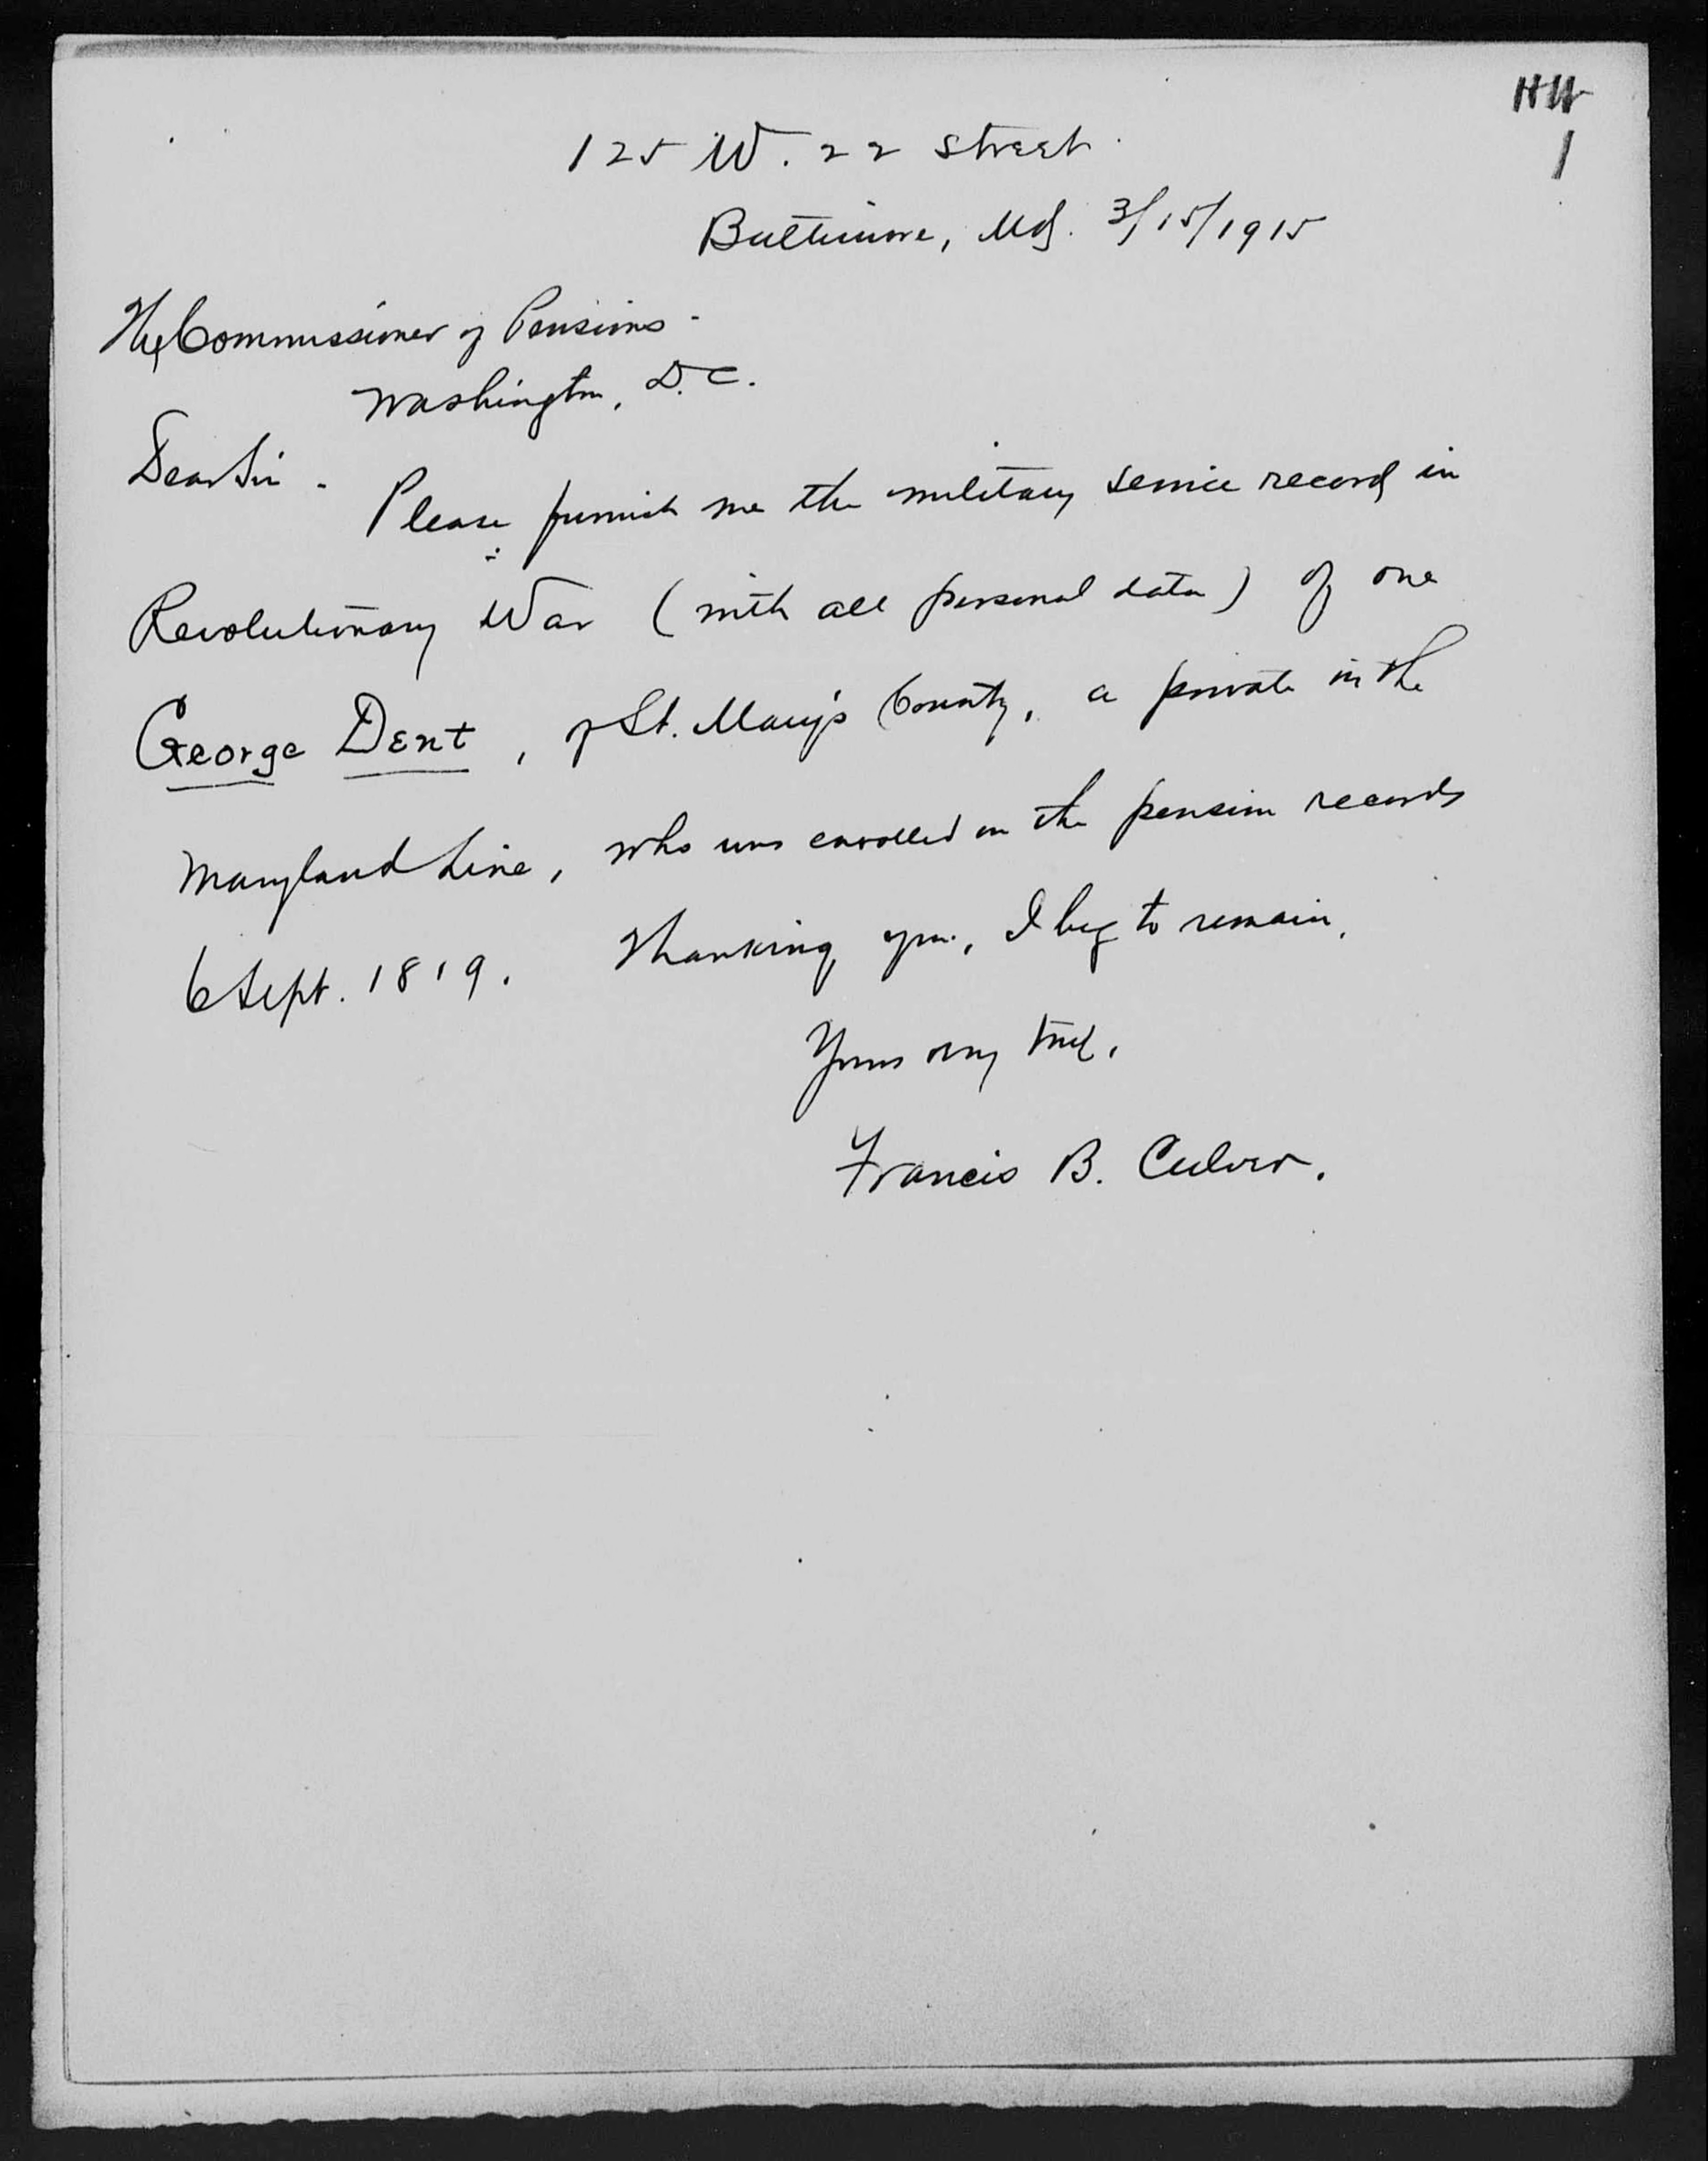Notation upper right corner: HW 1

125 W. 22 Street
Baltimore, Md. 3/10/1915
The Commisioner of Pensions
Washington, D.C.
Dear Sir,
Please furnish me the military service records in Revolutionary War (with all personal data) of one George Dent, of St. Mary's County, a private in the Maryland line, who was enrolled in the pension records 6 Sept. 1819. 
Thanking you, I beg to remain,
Yours very truly,
Francis B. Culver.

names: George Dent, Francis B Culver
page: 31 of 49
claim: survivor's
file: S. 12755, George Dent, Md.